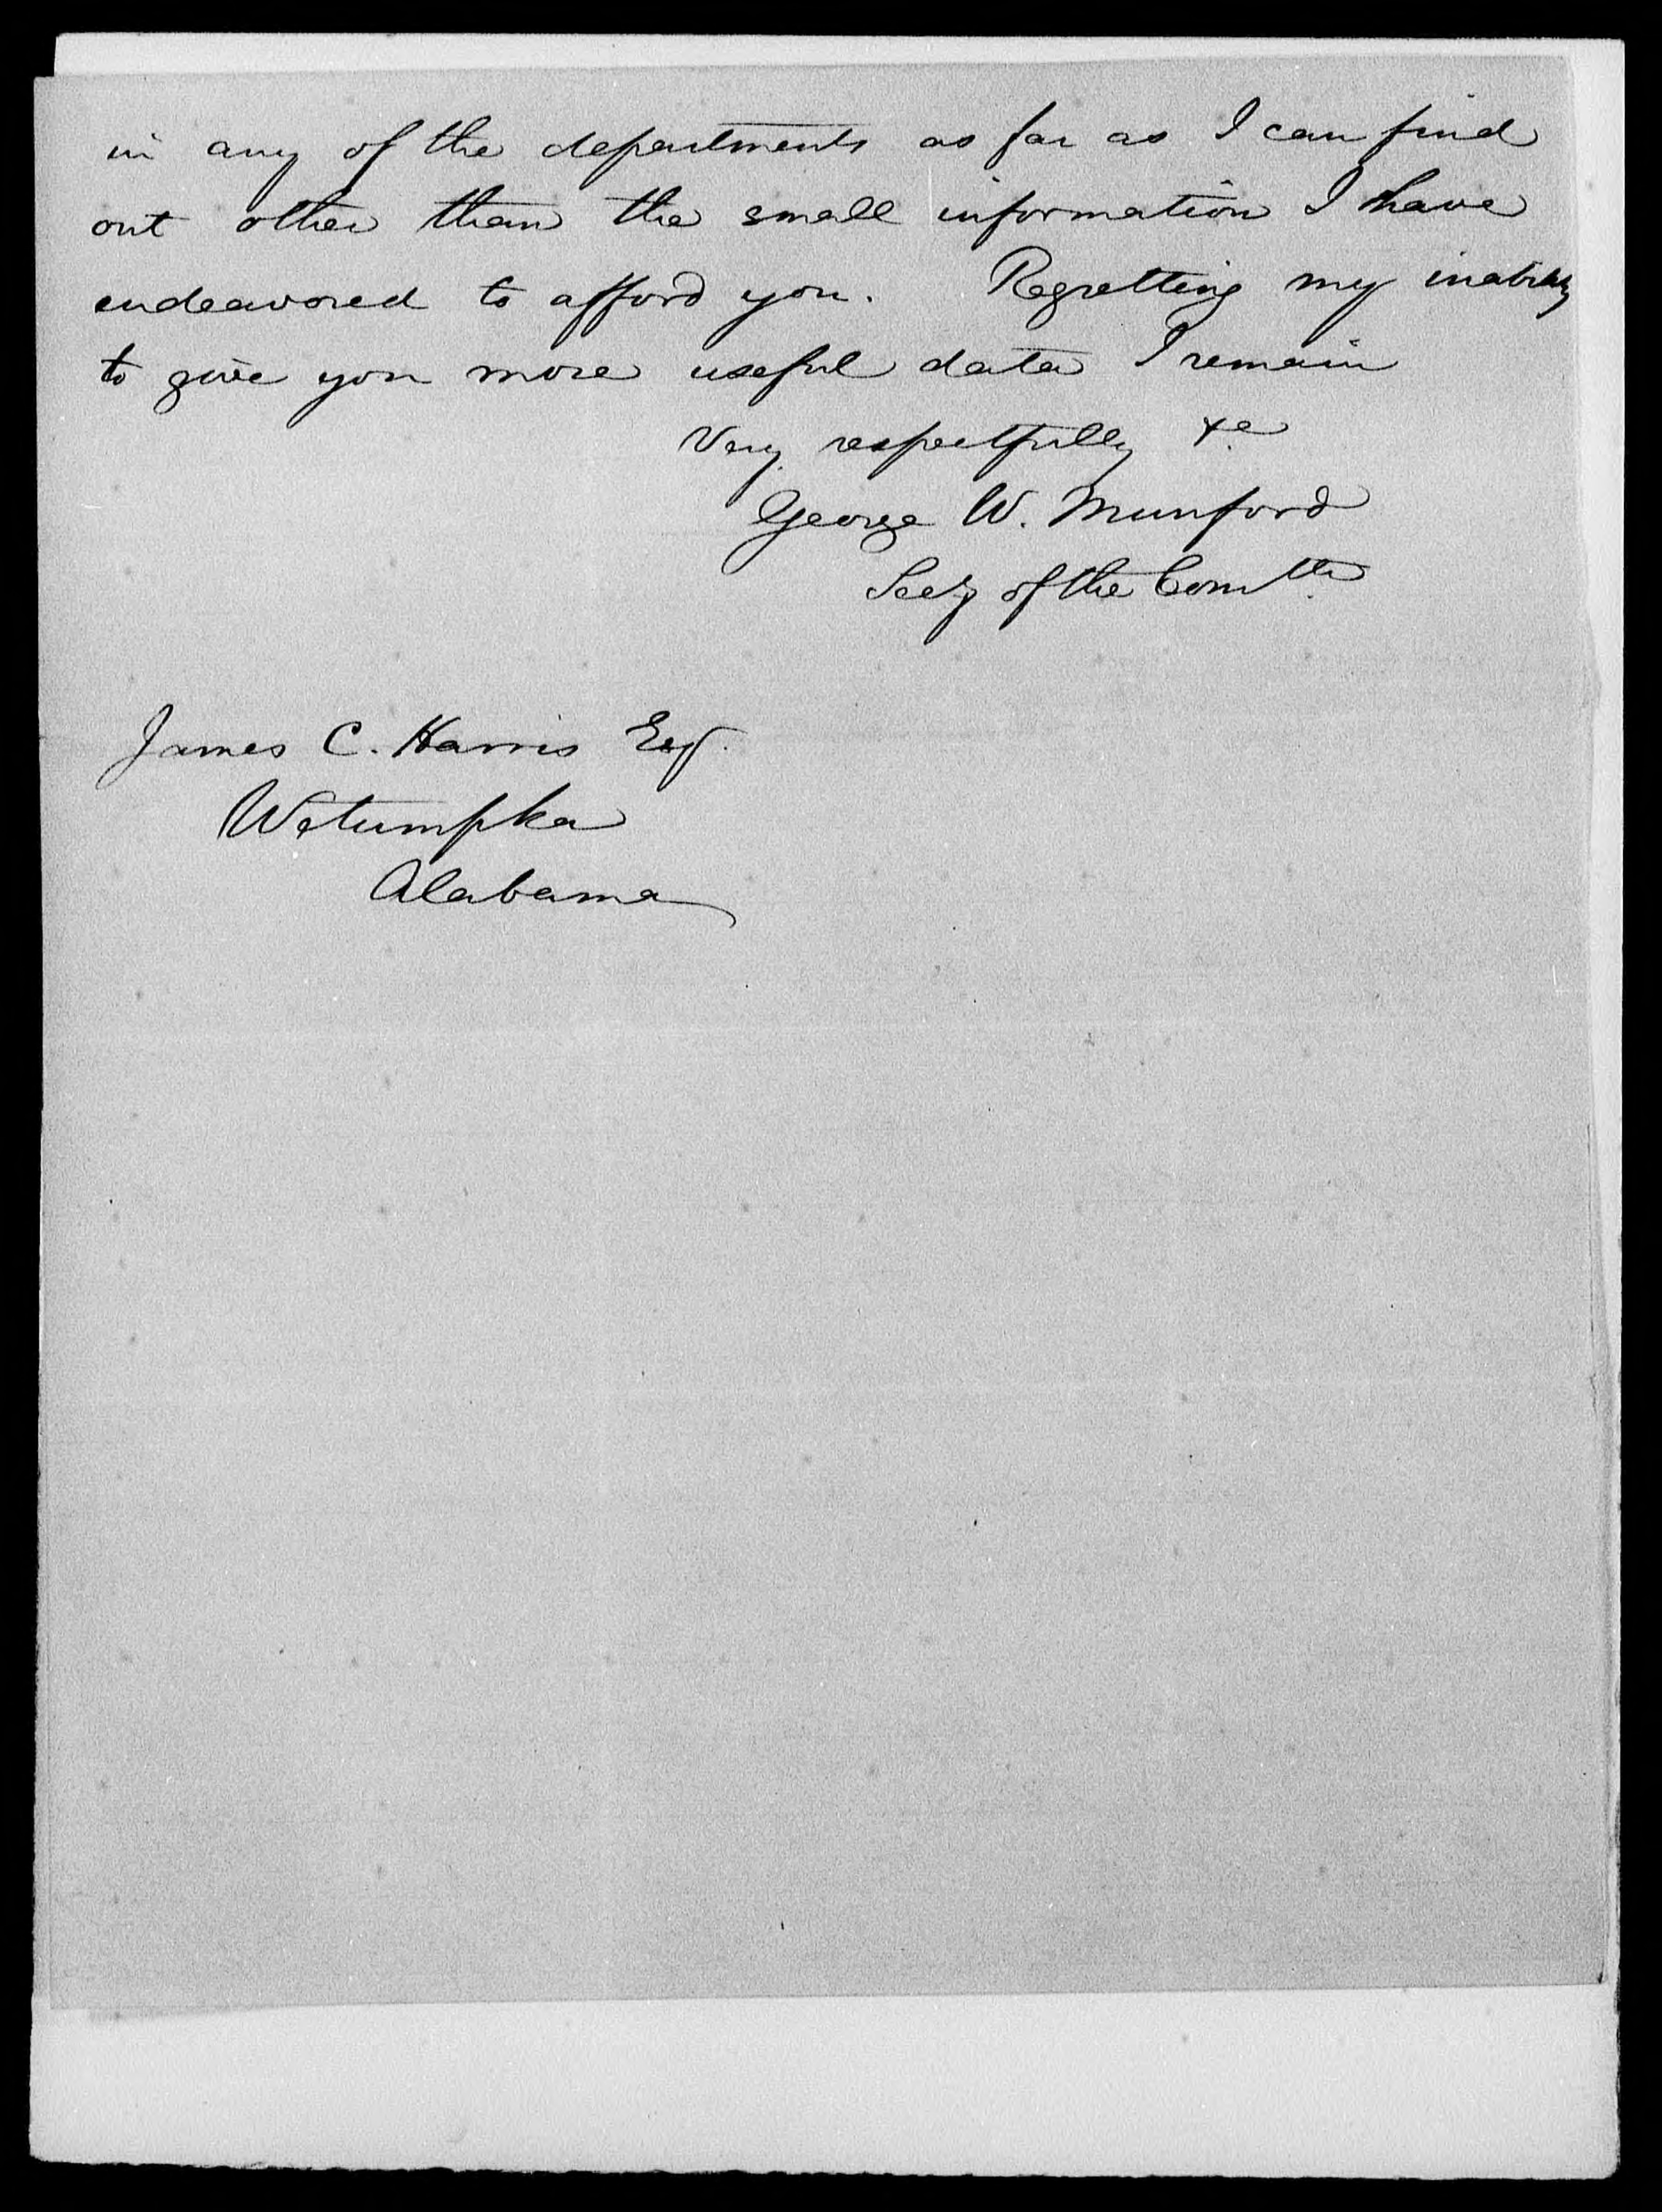in any of the departments as fas as I can find out other than the small information I have endeavored to afford you.  Regretting my inability to give you more useful data, I remain
Very respectfully &c
George W. Munford
Secy of the Comth

James C. Harris Esq
Wetumpka
Alabama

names: James C Harris, George W Munford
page: 80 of 160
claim: rejected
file: R. 4666, James Harris, Va.